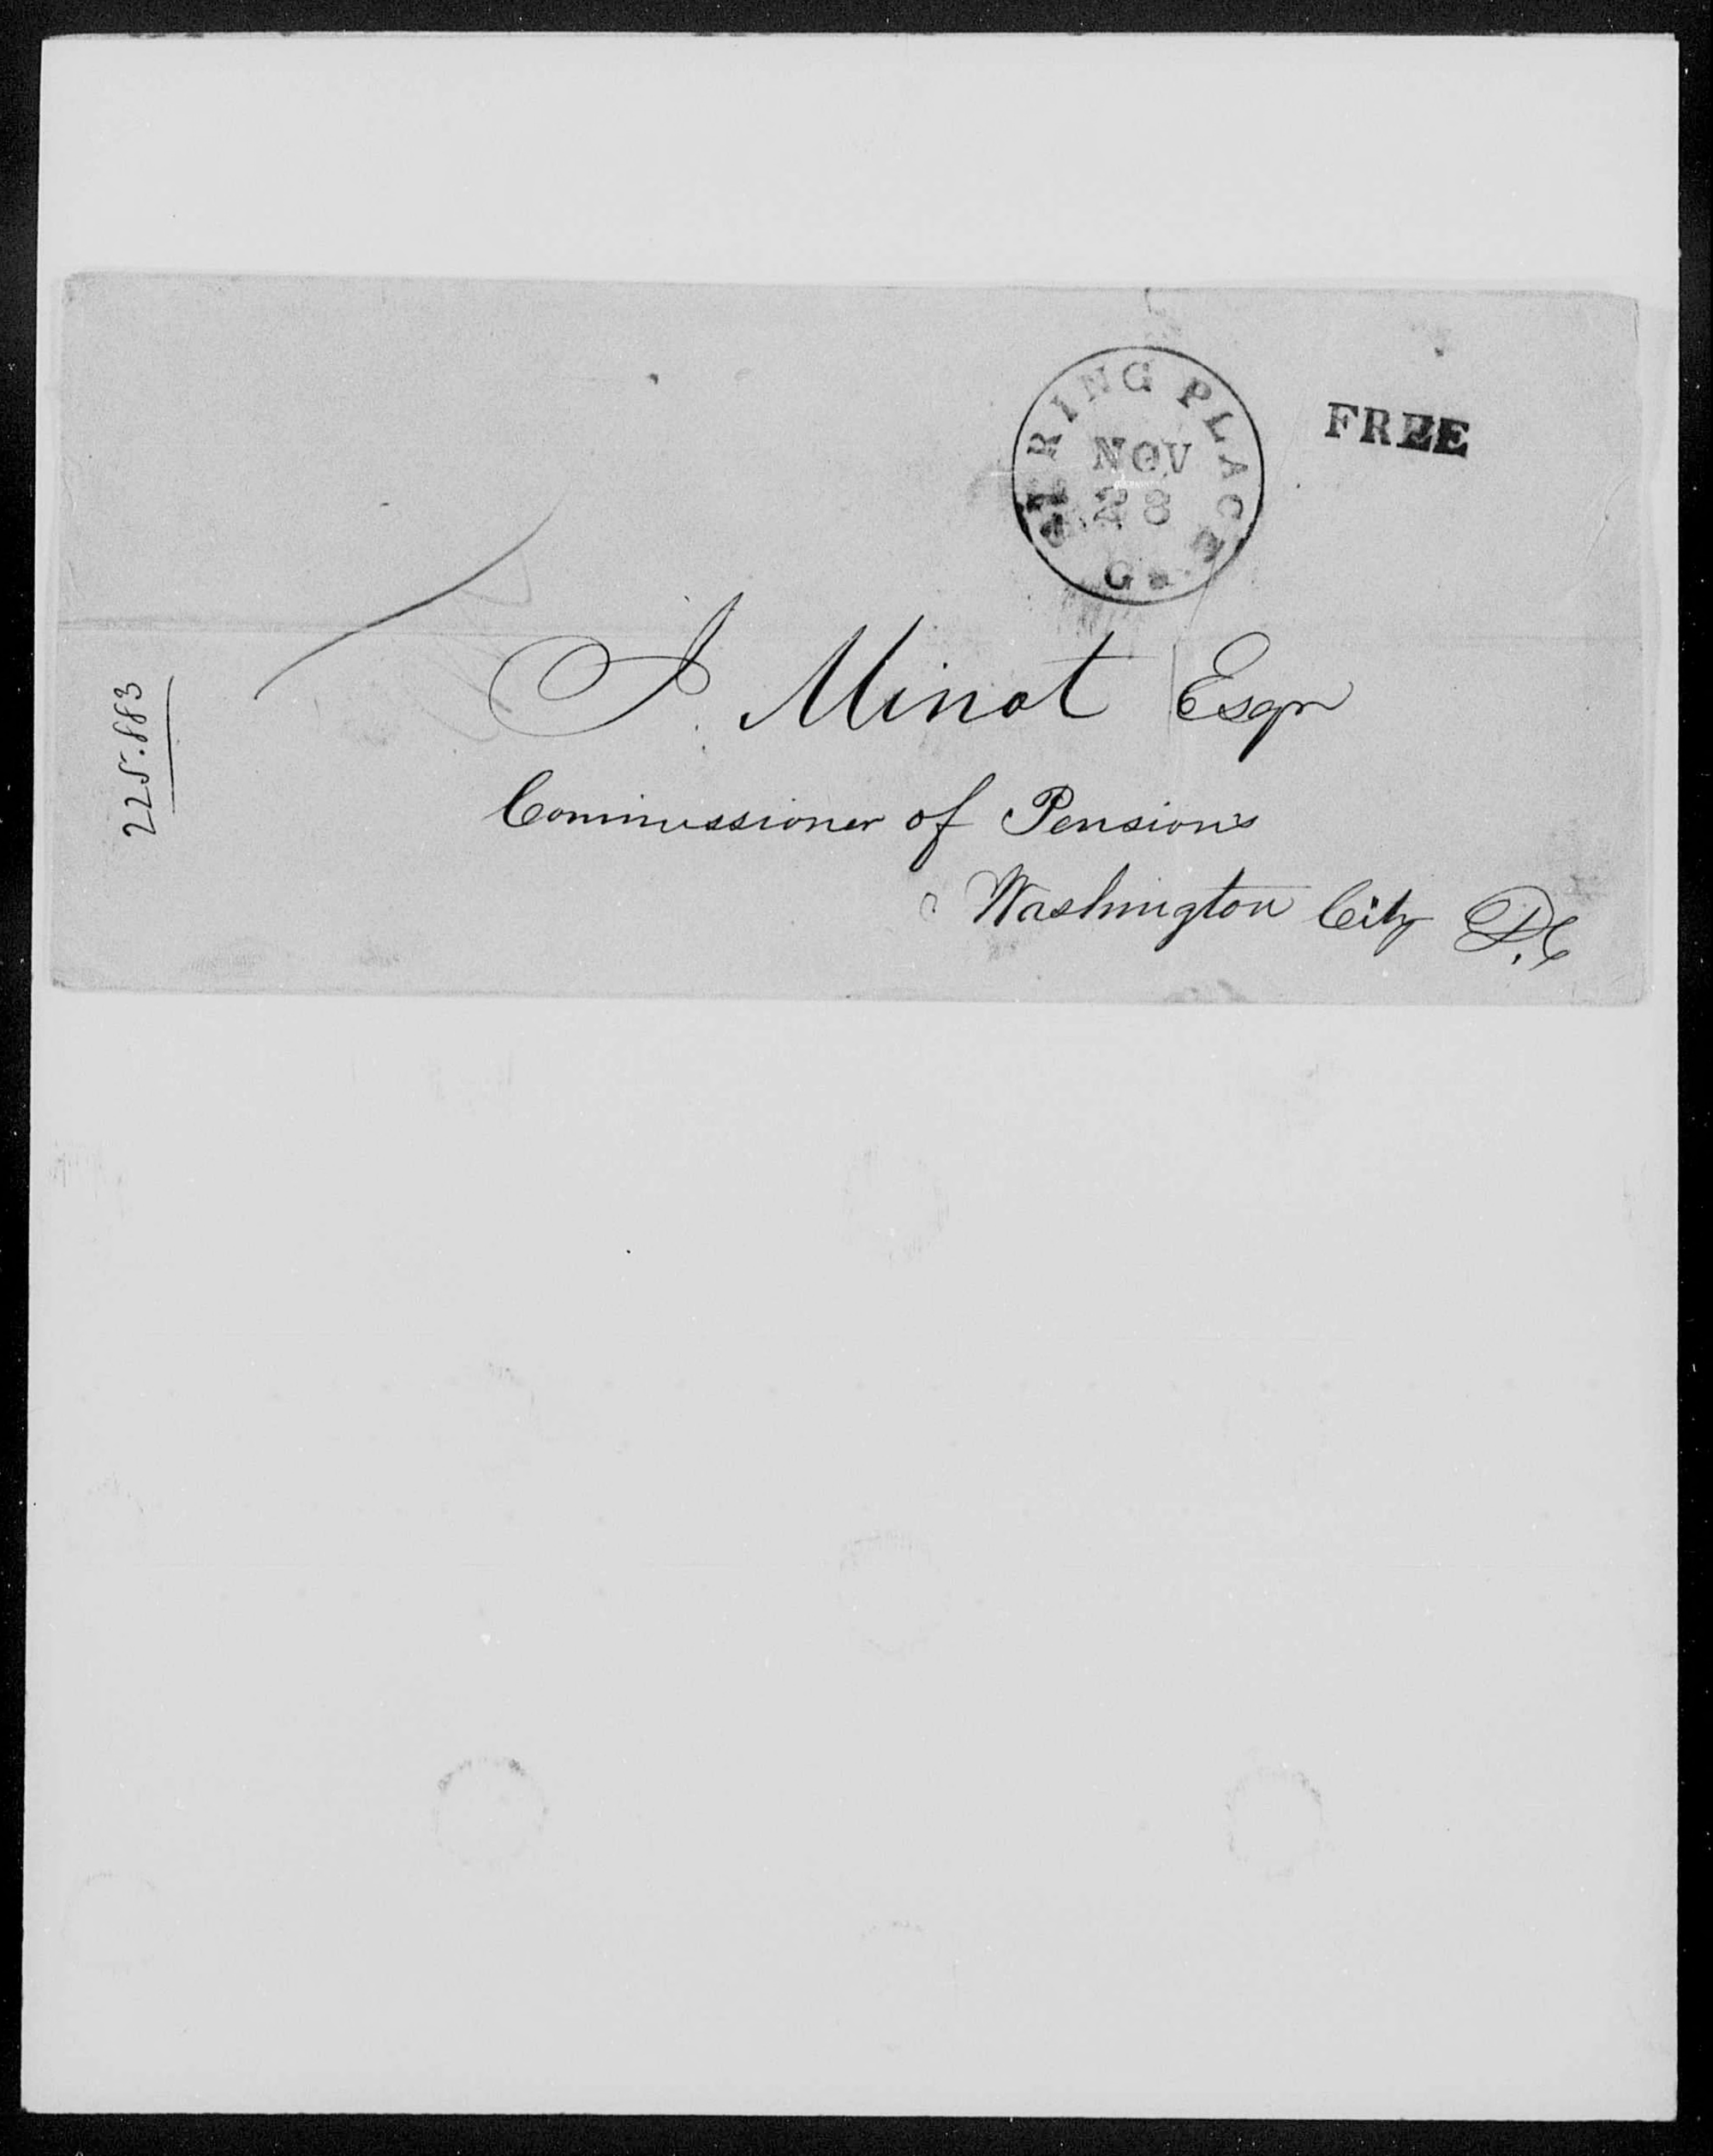225.883
[stamped] 
SPRING PLACE Ga. Nov 28
FREE

J. Minot Esqr
Commissioner of Pensions
Washington City D.C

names: J Minot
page: 18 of 75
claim: widow's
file: W. 25805, Andrew Hughes, N.C.